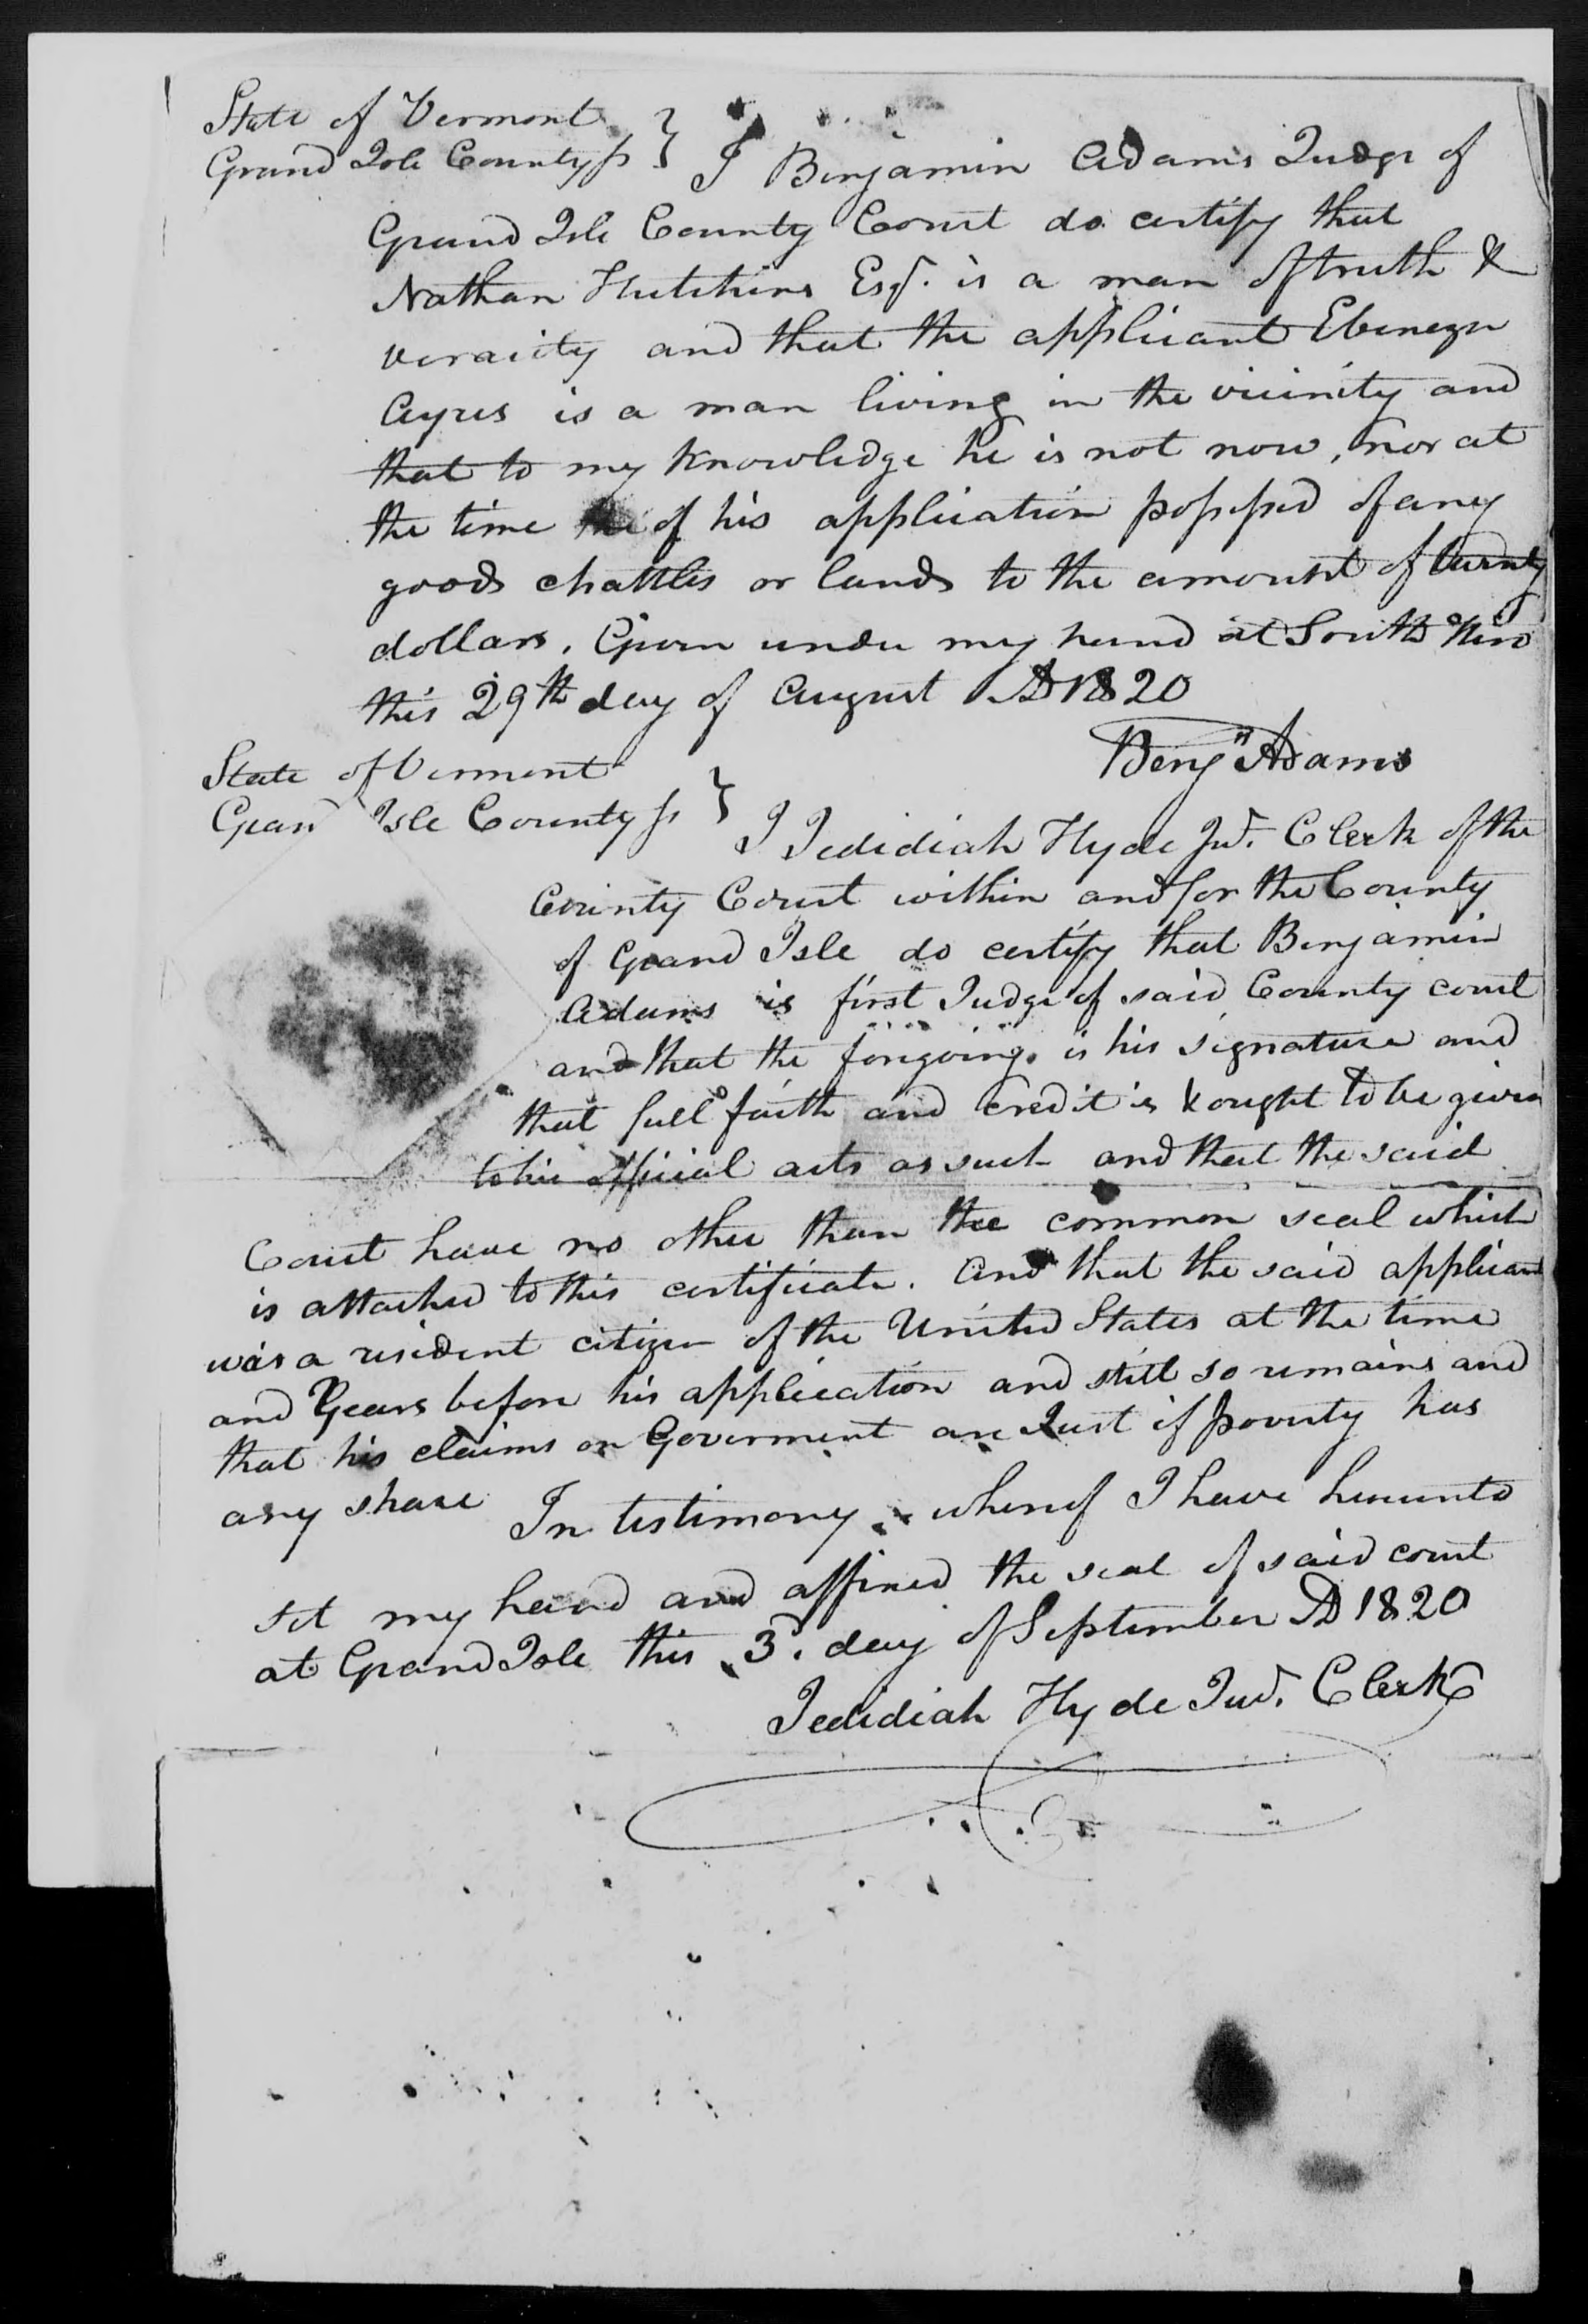State of Vermont]
Grand Isle County]
Benjamin Adams  judge of Grand Isle County Court do certify that Nathan Hutchins Esq is a man of truth & veracity and that the applicant Ebenezer Ayres is a man living in the vicinity and that to my knowledge he is not now, nor at the time of his application possessed of any goods chattles or lands in the amount of twenty dollars. Given under my hand at South Hero this 29th day of August AD 1820
State of Vermont}
Grand Isle County}
Benj Adams
I Jedidiah Hyde Jr. Clerk of the County Court within and for the County of Grand Isle do certify that Benjamin Adams is first Judge of said County Court and that the foregoing is his signature and that full faith and credit is & ought to be given to his official acts as such an that the said Court have no other than the common seal which
is attached to this certificate.
and that the said applicant
was a resident citizen of the United States at the time and years before his application and still so remain and that his claims or Goverment or just if poverty has any share
In testimony whereof I have hereunto
set my hand and affixed the seal of said court
at Grand Isle this 3 day of September AD 1820
Jedidiah Hyde Jr. Clerk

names: Jedidiah Hyde, Benjamin Adams, Ebenezer Ayres, Benjamin Adams, Benjn Adams, Jedidiah Hyde, Nathan Hutchins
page: 5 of 50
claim: widow's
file: W. 8559, Ebenezer Ayer, Continental (Conn)